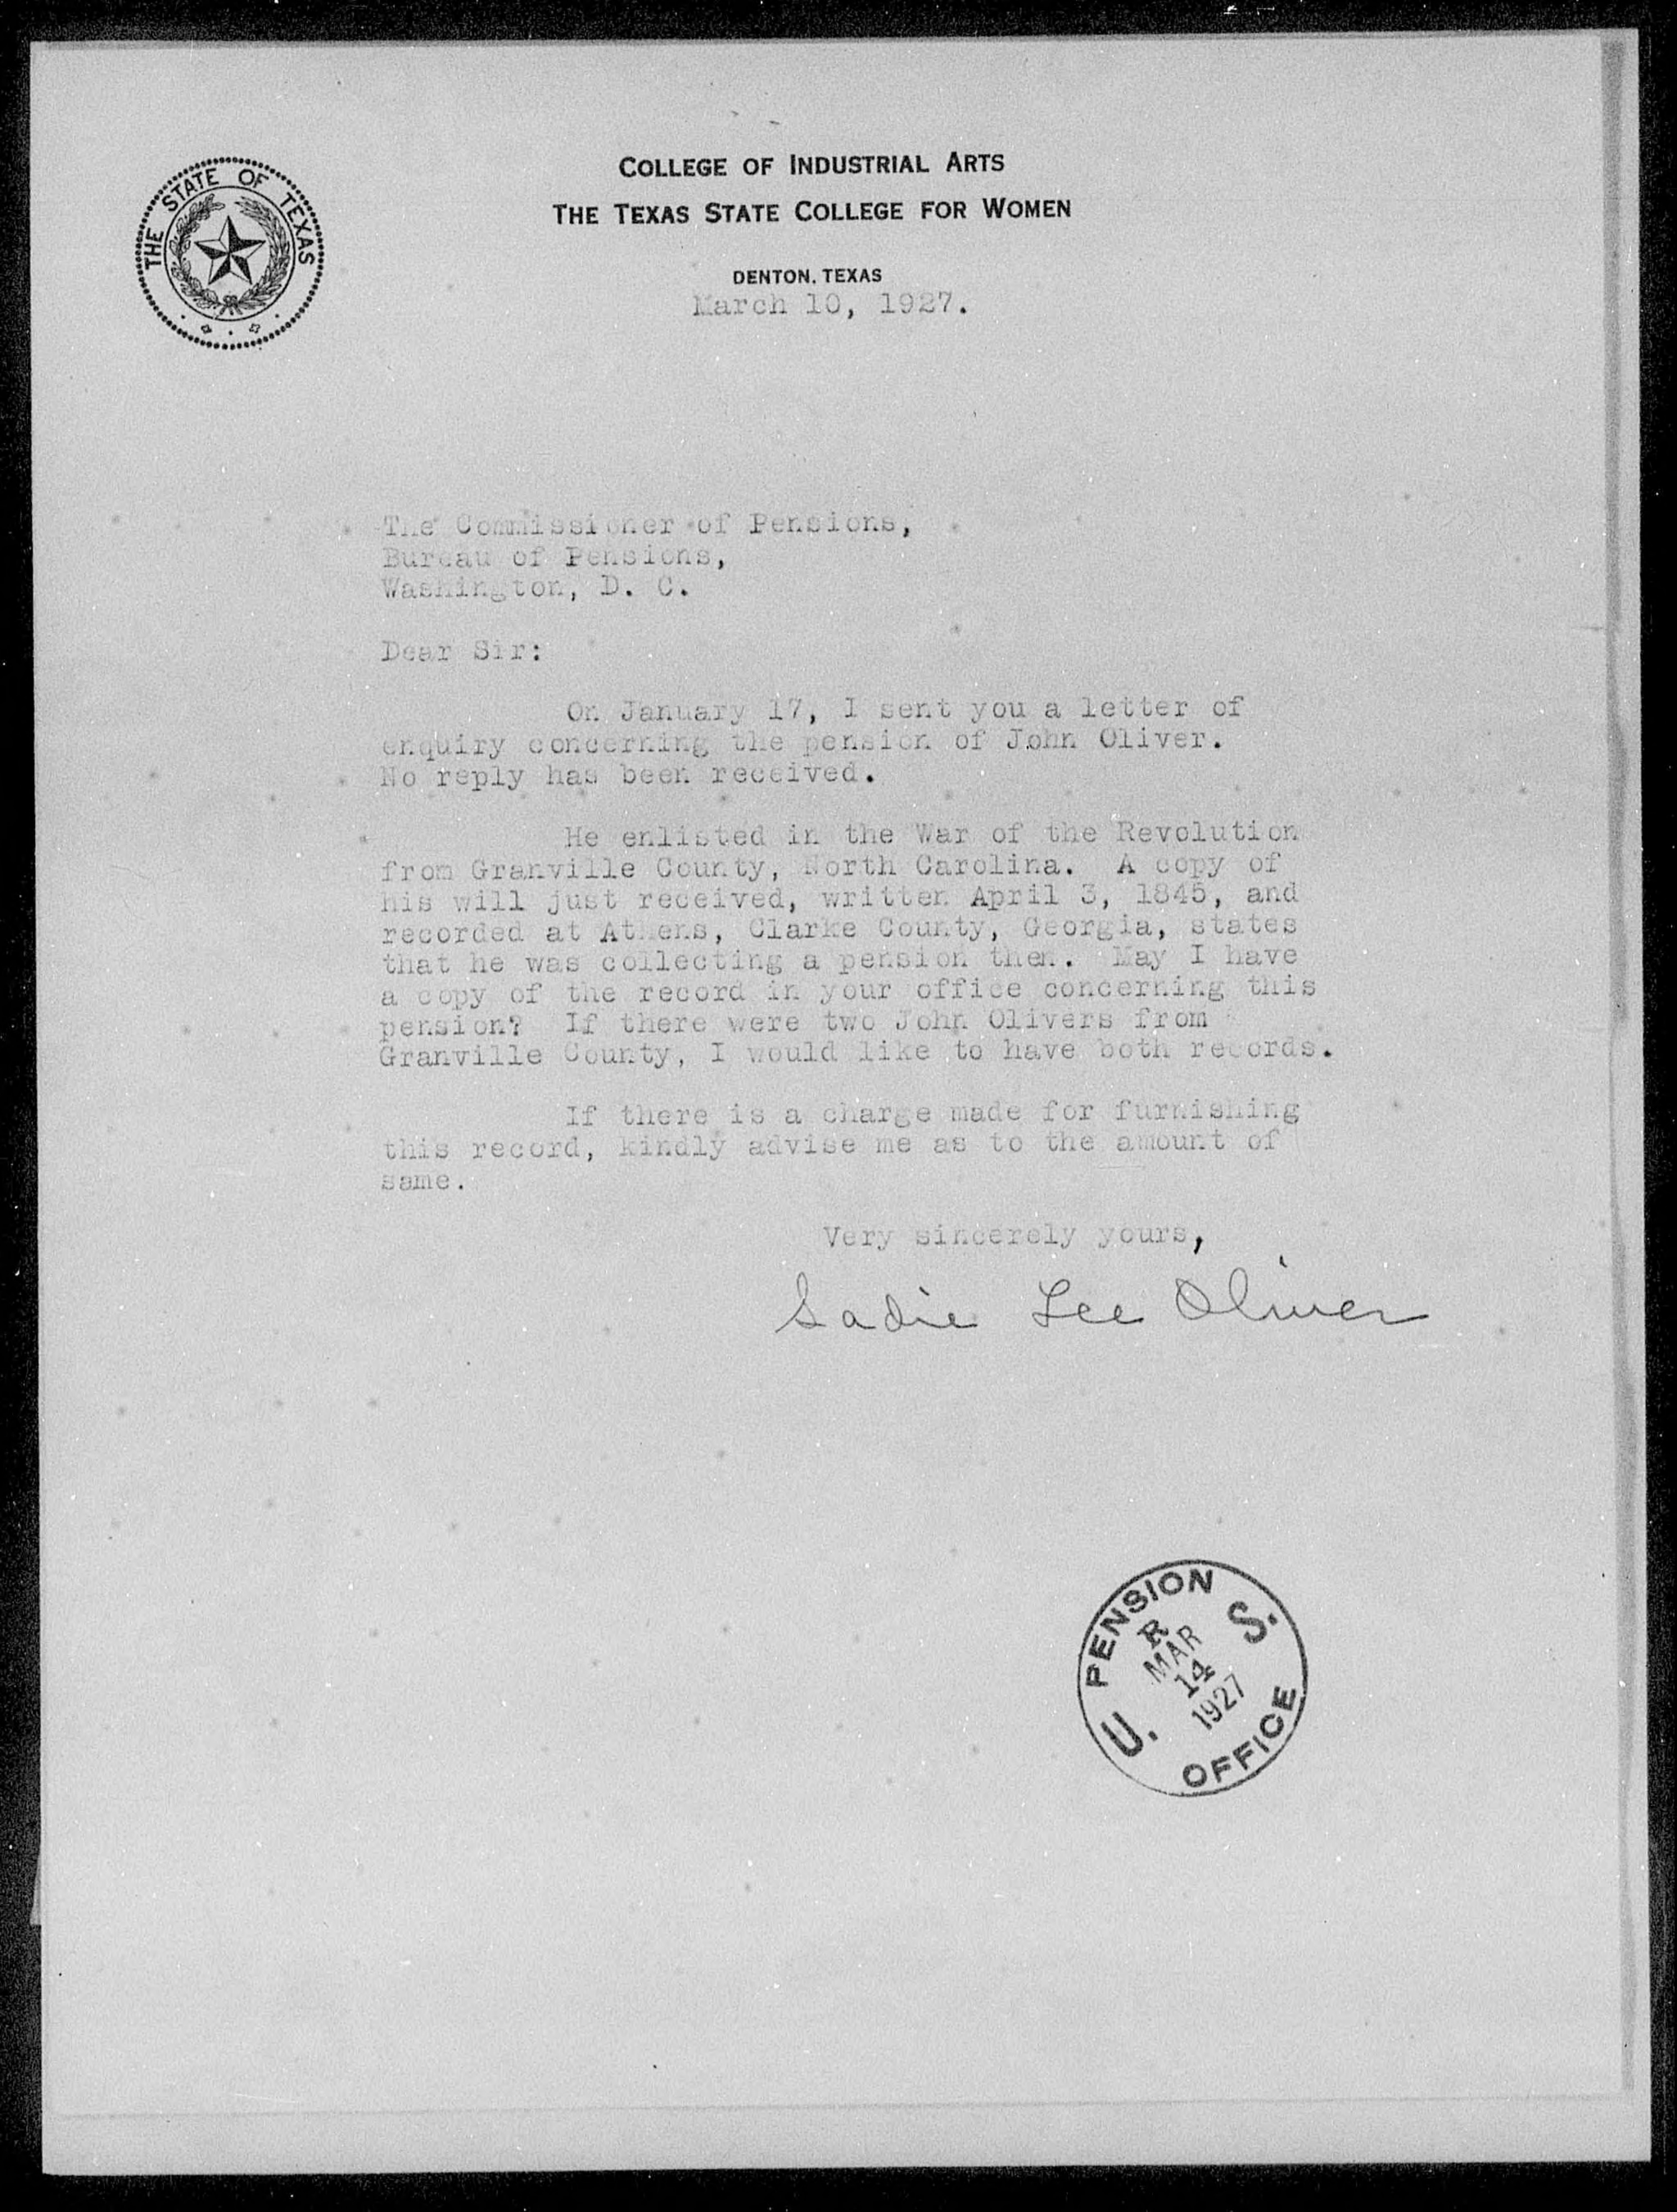(letterhead)
THE STATE OF TEXAS

COLLEGE OF INDUSTRIAL ARTS
THE TEXAS STATE COLLEGE FOR WOMEN
DENTON, TEXAS
March 10, 1927.

The Commissioner of Pensions,
Bureau of Pensions,
Washington, D.C.

Dear Sir:
     On January 17, I sent you a letter of enquiry concerning the pension of John Oliver.  No reply has been received.
     He enlisted in the War of the Revolution from Granville County, North Carolina. A copy of his will just received, written April 3, 1945, and recorded at Athens, Clarke County, Georgia, states that he was collecting a pension then.  May I have a copy of the record in your office concerning this pension?  If there were two John Olivers from Granville County, i would like to have both records.
     If there is a charge made for furnishing this record, kindly advise me as to the amount of same.
               Very sincerely yours,
               Sadie Lee Oliver

(stamp)
U.S. PENSION OFFICE
R
MAR 14 1927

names: John Oliver; Sadie Lee Oliver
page: 27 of 32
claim: survivor's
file: S. 31888, for John Oliver, North Carolina